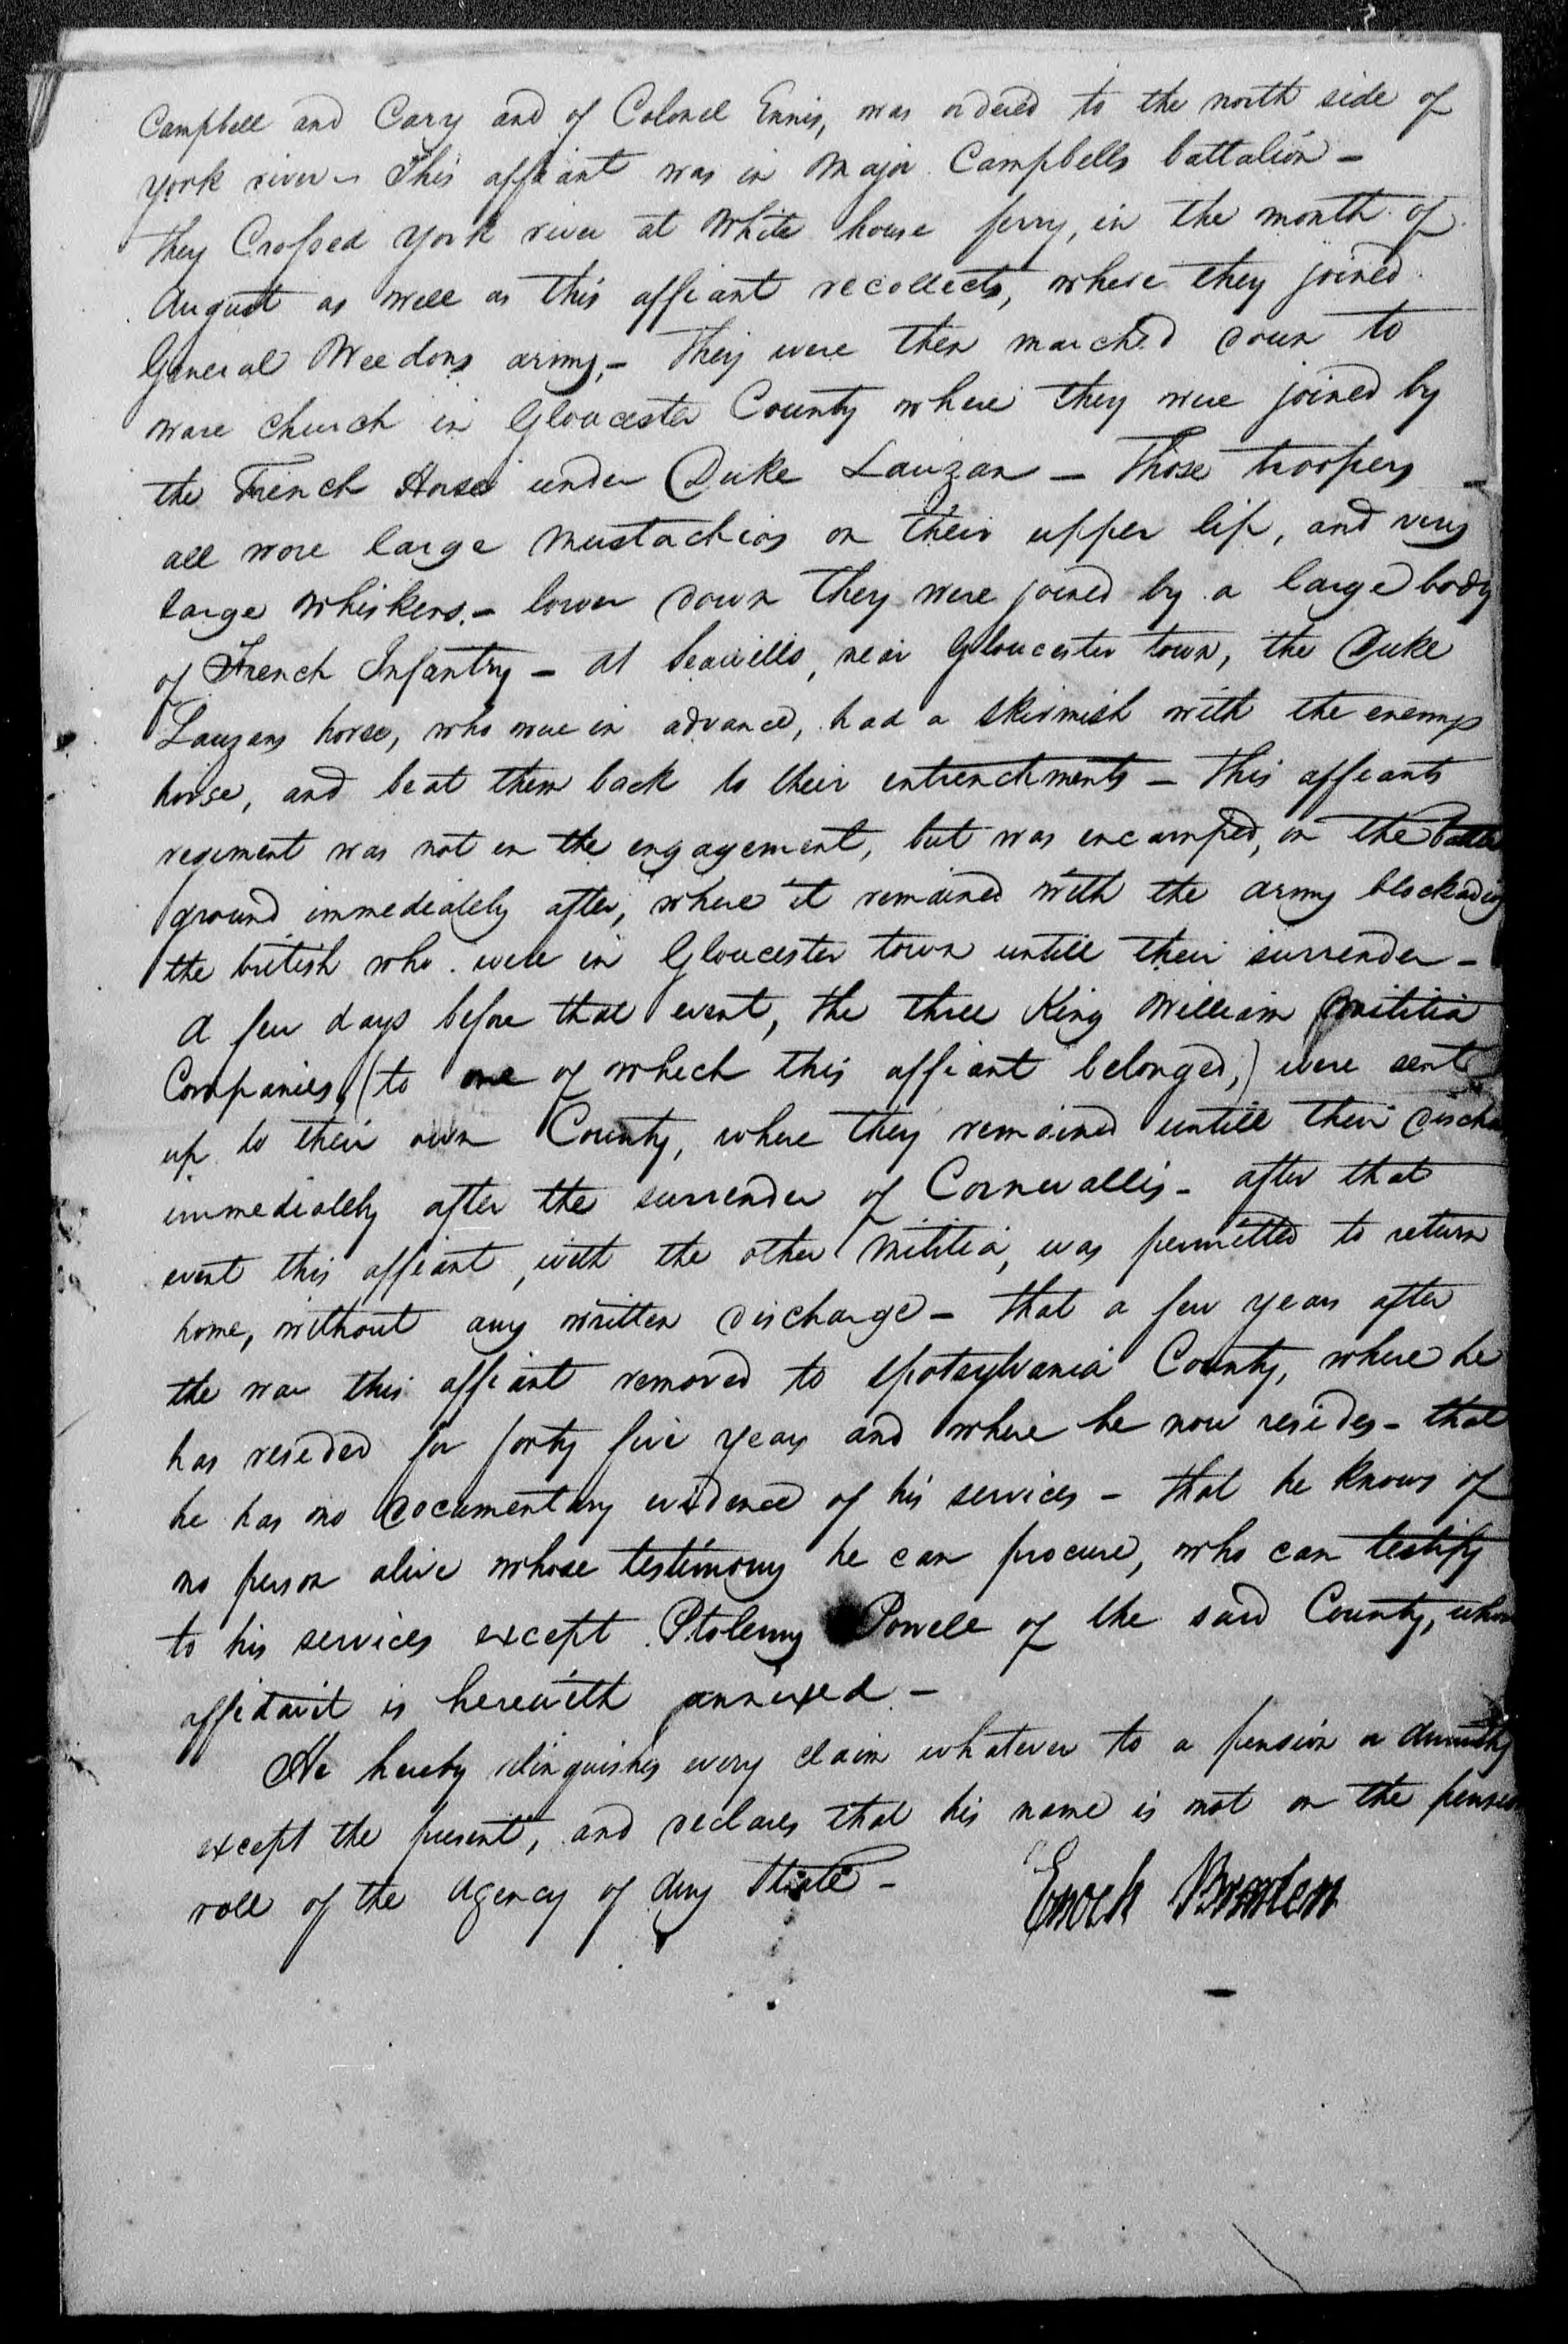Campbell and Cary and of Colonel Ennis, was ordered to the north side of York river. This affiant was in Major Campbell battalion - they crossed York river at White house ferry, in the month of August as well as this affiant recollects, where they joined General Weedons army - They were then marched down to Ware church in Gloucester County where they were joined by the French Horse under Duke Lauzan- Those troopers all were large mustachios on their upper lips, and very large Whiskers - lower down they were joined by a large body of French Infantry - at Seawells, near Gloucester town, the Duke Lauzan horse, who mar in advance, had a skirmish with the enemys horse, and beat them back to their entrenchments-- this affiants regiment was not in the engagement, but was encamped on the other ground immediately after, where it remained with the army blockading the british who were in Gloucester town untill their surrender- a few days before that event, the three King William Militia Companies to one of which this affiant belonged, were sent up to their own County, where they remained untill tgeir [?] immediately after the surrender of Cornwallis, after that at this affiant with the other militia was permitted to return home, without any written discharge. that a few years after the war this affiant removed to Spotsylvania County, where he has resided for forty five years and where he now resides - that he has no documentary evidence of his services- that he knows of no person alive whose testimony he can procure, who can testify to his services except Ptolemy Powell of the said County, whom affidavit is herewith annexed- 

He hereby relinquishes every claim whatever to a pension or duty except the present, and declares that his name is not on the pension roll of the Agency of any State. Enoch Browlett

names: French, Duke Lauzar, Campbell, King William, Cary, Powell, Campbells, Ennis, Enoch Breeden, Duke Lauzar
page: 6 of 27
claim: survivor's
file: S. 1747, Enoch Breeden, Va.